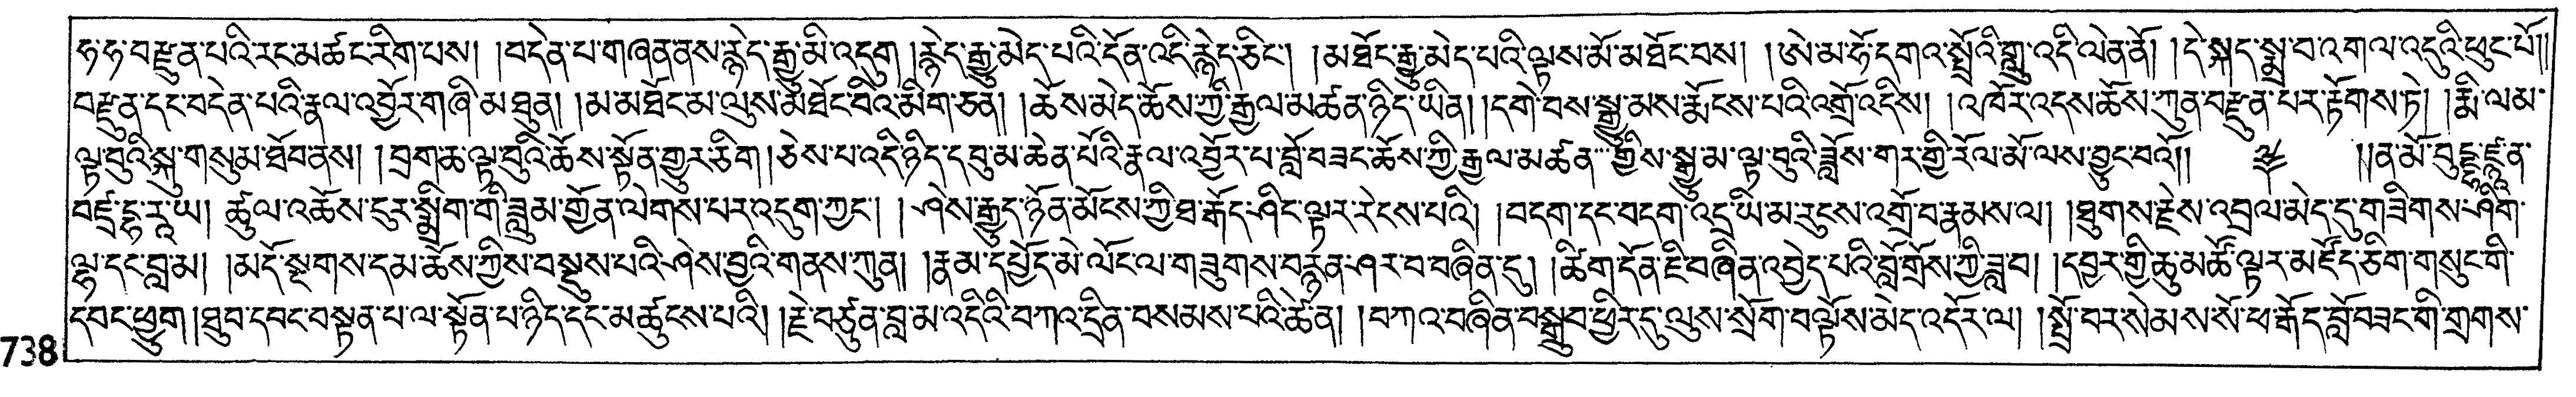ཧ་ཧ་བརྫུན་པའི་རང་མཚང་རིག་པས། །བདེན་པ་གཞན་ནས་རྙེད་རྒྱུ་མི་འདུག །རྙེད་རྒྱུ་མེད་པའི་དོན་འདི་རྙེད་ཅིང་། །མཐོང་རྒྱུ་མེད་པའི་ལྟས་མོ་མཐོང་བས། །ཨེ་མ་ཧོ་དགའ་སྤྲོའི་གླུ་འདི་ལེན་ནོ། །དེ་སྐད་སྨྲ་བ་འགལ་འདུའི་ཕུང་པོ། །
བརྫུན་དང་བདེན་པའི་རྣལ་འབྱོར་གཞི་མཐུན། །མ་མཐོང་མ་ལུས་མཐོང་བའི་མིག་ཅན། །ཆོས་མེད་ཆོས་ཀྱི་རྒྱལ་མཚན་ཉིད་ཡིན། །དགེ་བས་སྒྱུ་མས་རྨོངས་པའི་འགྲོ་འདིས། །འཁོར་འདས་ཆོས་ཀུན་བརྫུན་པར་རྟོགས་ཏེ། །རྨི་ལམ་
ལྟ་བུའི་སྐུ་གསུམ་ཐོབ་ནས། །བྲག་ཆ་ལྟ་བུའི་ཆོས་སྟོན་གྱུར་ཅིག །ཅེས་པ་འདི་ཉིད་དབུ་མ་ཆེན་པོའི་རྣལ་འབྱོར་པ་བློ་བཟང་ཆོས་ཀྱི་རྒྱལ་མཚན་གྱིས་སྒྱུ་མ་ལྟ་བུའི་ཟློས་གར་གྱི་རོལ་མོ་ལས་བྱུང་བའོ།། ༈ །།ན་མོ་བུདྡྷ་ཛྙཱ་ན་
བཛྲ་དྷ་རཱ་ཡ། ཚུལ་འཆོས་ངུར་སྨྲིག་གི་ཟླུམ་གྱོན་ལེགས་པར་འདུག་ཀྱང་། །ཤེས་རྒྱུད་ཉོན་མོངས་ཀྱི་ཐ་རྒོད་ཤིང་ལྟར་རེངས་པའི། །བདག་དང་བདག་འདྲ་ཡི་མ་རུངས་འགྲོ་བ་རྣམས་ལ། །ཐུགས་རྗེས་འབྲལ་མེད་དུ་གཟིགས་ཤིག་
ལྷ་དང་བླ་མ། །མདོ་སྔགས་དམ་ཆོས་ཀྱིས་བསྡུས་པའི་ཤེས་བྱའི་གནས་ཀུན། །རྣམ་དཔྱོད་མེ་ལོང་ལ་གཟུགས་བརྙན་ཤར་བ་བཞིན་དུ། །ཚིག་དོན་ཇི་བཞིན་འབྱེད་པའི་བློ་གྲོས་ཀྱི་ཟླ་བ། །དབྱར་གྱི་ཆུ་མཚོ་ལྟར་མཛོད་ཅིག་གསུང་གི་
དབང་ཕྱུག །ཐུབ་དབང་བསྟན་པ་ལ་སྟོན་པ་ཉིད་དང་མཚུངས་པའི། །རྗེ་བཙུན་བླ་མ་འདིའི་བཀའ་དྲིན་བསམས་པའི་ཚེ་ན། །བཀའ་བཞིན་བསྒྲུབ་ཕྱིར་དུ་ལུས་སྲོག་བལྟོས་མེད་འདོར་ལ། །སྤྲོ་བར་སེམས་སོ་ཕ་རྒོད་བློ་བཟང་གི་གྲགས་